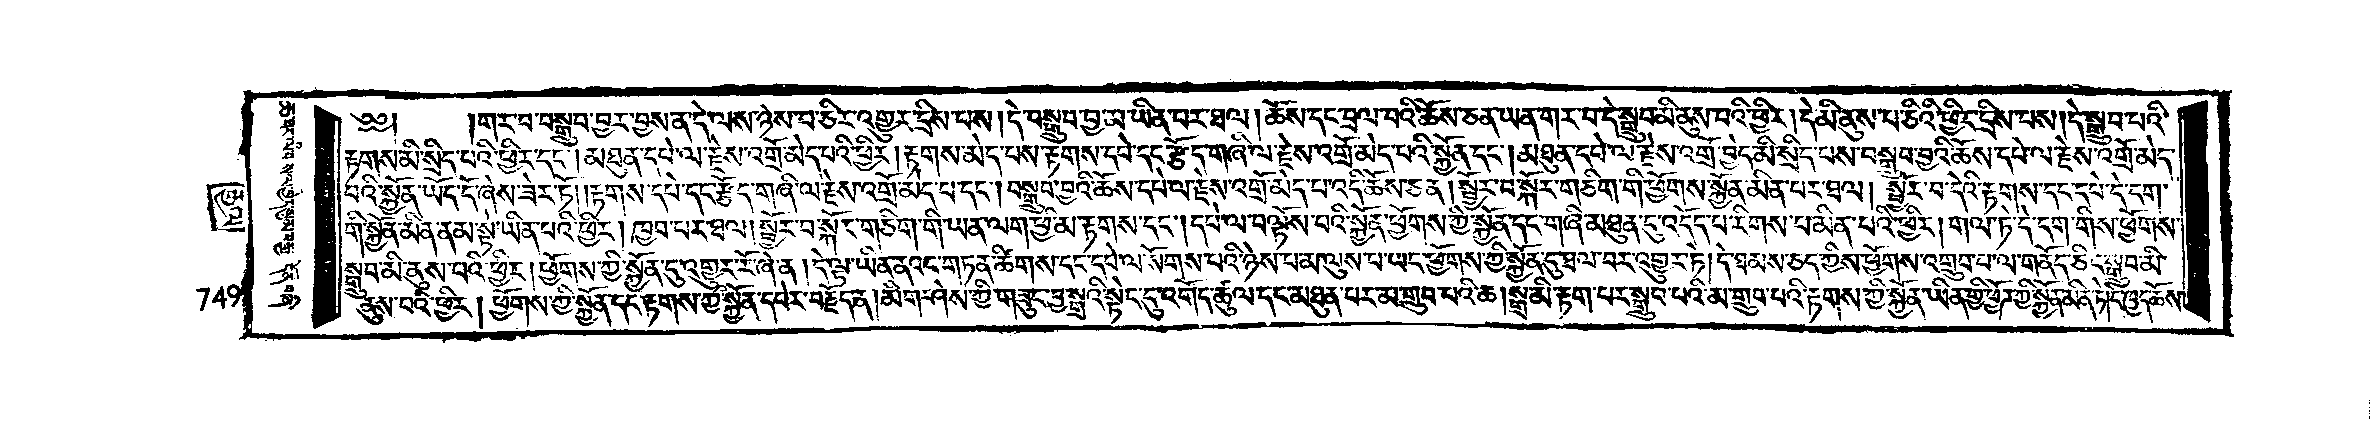༄༅། །གར་བ་བསྒྲུབ་བྱར་བྱས་ན་དེ་ལས་ཉེས་པ་ཅིར་འགྱུར་དྲིས་པས། དེ་བསྒྲུབ་བྱ་མ་ཡིན་པར་ཐལ། ཆོས་དང་བྲལ་བའི་ཆོས་ཅན་ཡན་གར་བ་དེ་སྒྲུབ་མི་ནུས་པའི་ཕྱིར། དེ་མི་ནུས་པ་ཅིའི་ཕྱིར་དྲིས་པས། དེ་སྒྲུབ་པའི་
རྟགས་མི་སྲིད་པའི་ཕྱིར་དང་། མཐུན་དཔེ་ལ་རྗེས་འགྲོ་མེད་པའི་ཕྱིར། རྟགས་མེད་པས་རྟགས་དཔེ་དང་རྩོད་གཞི་ལ་རྗེས་འགྲོ་མེད་པའི་སྐྱོན་དང་། མཐུན་དཔེ་ལ་རྗེས་འགྲོ་བྱེད་མི་སྲིད་པས་བསྒྲུབ་བྱའི་ཆོས་དཔེ་ལ་རྗེས་འགྲོ་མེད་
པའི་སྐྱོན་ཡོད་དོ་ཞེས་ཟེར་ཏོ། །རྟགས་དཔེ་དང་རྩོད་གཞི་ལ་རྗེས་འགྲོ་མེད་པ་དང་། བསྒྲུབ་བྱའི་ཆོས་དཔེ་ལ་རྗེས་འགྲོ་མེད་པ་འདི་ཆོས་ཅན། སྦྱོར་བ་སྐོར་གཅིག་གི་ཕྱོགས་སྐྱོན་མིན་པར་ཐལ། སྦྱོར་བ་དེའི་རྟགས་དང་དཔེ་དེ་དག་
གི་སྐྱོན་མིན་ནམ་སྟེ་ཡིན་པའི་ཕྱིར། ཁྱབ་པར་ཐལ། སྦྱོར་བ་སྐོར་གཅིག་གི་ཡན་ལག་ཕྱི་མ་རྟགས་དང་། དཔེ་ལ་བལྟོས་པའི་སྐྱོན་ཕྱོགས་ཀྱི་སྐྱོན་དང་གཞི་མཐུན་དུ་འདོད་པ་རིགས་པ་མིན་པའི་ཕྱིར། གལ་ཏེ་དེ་དག་གིས་ཕྱོགས་
སྒྲུབ་མི་ནུས་པའི་ཕྱིར། ཕྱོགས་ཀྱི་སྐྱོན་དུ་འགྱུར་རོ་ཞེ་ན། དེ་ལྟ་ཡིན་ནའང་གཏན་ཚིགས་དང་དཔེ་ལ་སོགས་པའི་ཉེས་པ་མ་ལུས་པ་ཡང་ཕྱོགས་ཀྱི་སྐྱོན་དུ་ཐལ་བར་འགྱུར་ཏེ། དེ་ཐམས་ཅད་ཀྱིས་ཕྱོགས་འགྲུབ་པ་ལ་གནོད་ཅིང་སྒྲུབ་མི་
ནུས་པའི་ཕྱིར། ཕྱོགས་ཀྱི་སྐྱོན་དང་རྟགས་ཀྱི་སྐྱོན་དཔེར་བརྗོད་ན། མིག་ཤེས་ཀྱི་གཟུང་བྱ་སྒྲའི་སྟེང་དུ་འགོད་ཚུལ་དང་མཐུན་པར་མ་གྲུབ་པའི་ཚེ། སྒྲ་མི་རྟག་པར་སྒྲུབ་པའི་མ་གྲུབ་པའི་རྟགས་ཀྱི་སྐྱོན་ཡིན་གྱི་ཕྱོཌ་ཀྱི་སྐྱོན་མིན་ཏེ། དེ་ཁྱད་ཆོས་